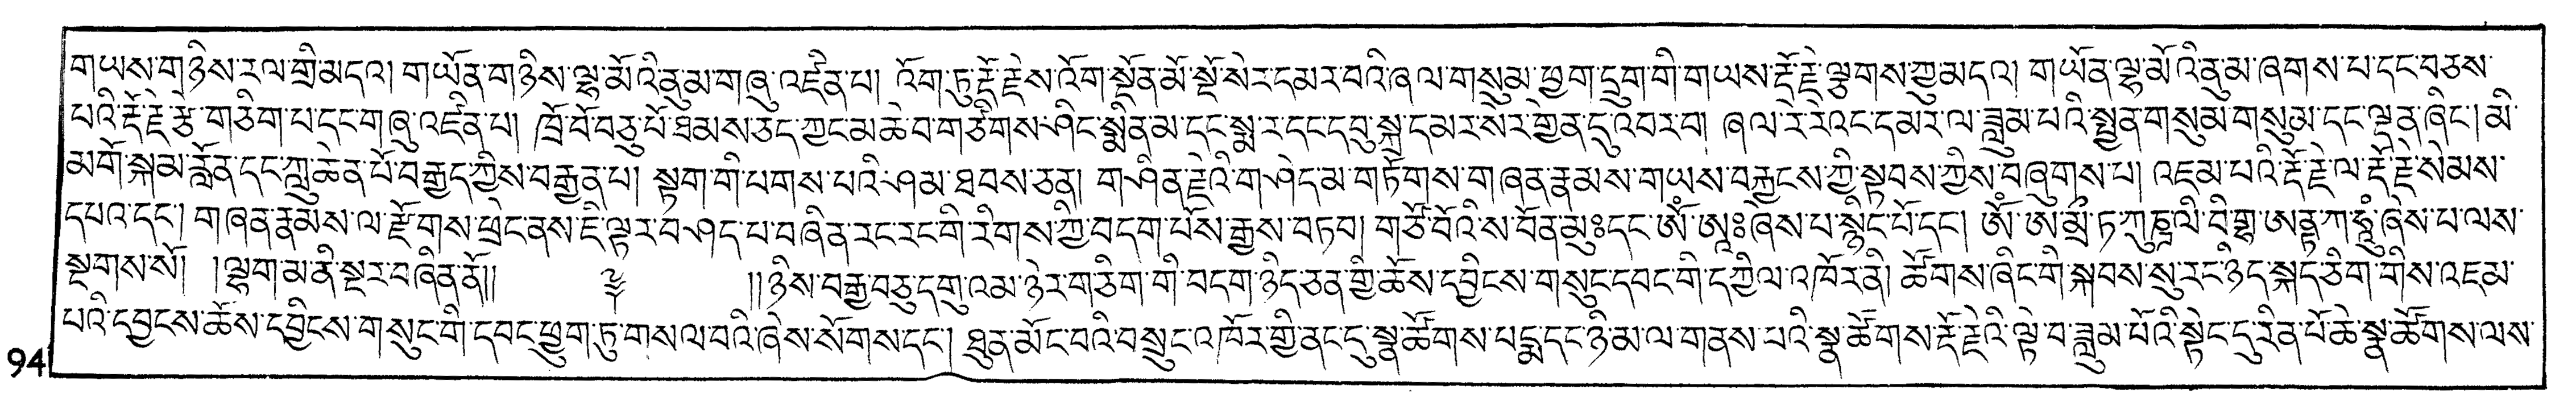གཡས་གཉིས་རལ་གྲི་མདའ། གཡོན་གཉིས་ལྷ་མོའི་ནུ་མ་གཞུ་འཛིན་པ། འོག་ཏུ་རྡོ་རྗེས་འོག་སྔོན་མོ་སྔོ་སེར་དམར་བའི་ཞལ་གསུམ་ཕྱག་དྲུག་གི་གཡས་རྡོ་རྗེ་ལྕགས་ཀྱུ་མདའ། གཡོན་ལྷ་མོའི་ནུ་མ་ཞགས་པ་དང་བཅས་
པའི་རྡོ་རྗེ་རྩེ་གཅིག་པ་དང་གཞུ་འཛིན་པ། ཁྲོ་བོ་བཅུ་པོ་ཐམས་ཅད་ཀྱང་མཆེ་བ་གཙིགས་ཤིང་སྨིན་མ་དང་སྨ་ར་དང་དབུ་སྐྲ་དམར་སེར་གྱེན་དུ་འབར་བ། ཞལ་རེ་རེའང་དམར་ལ་ཟླུམ་པའི་སྤྱན་གསུམ་གསུམ་དང་ལྡན་ཞིང་། མི་
མགོ་སྐམ་རློན་དང་ཀླུ་ཆེན་པོ་བརྒྱད་ཀྱིས་བརྒྱན་པ། སྟག་གི་པགས་པའི་ཤམ་ཐབས་ཅན། གཤིན་རྗེའི་གཤེད་མ་གཏོགས་གཞན་རྣམས་གཡས་བརྐྱངས་ཀྱི་སྟབས་ཀྱིས་བཞུགས་པ། འཇམ་པའི་རྡོ་རྗེ་ལ་རྡོ་རྗེ་སེམས་
དཔའ་དང་། གཞན་རྣམས་ལ་རྫོགས་ཕྲེང་ནས་ཇི་ལྟར་བཤད་པ་བཞིན་རང་རང་གི་རིགས་ཀྱི་བདག་པོས་རྒྱས་བཏབ། གཙོ་བོའི་ས་བོན་མུཿ དང་ཨོཾ་ཨཱཿ ཞེས་པ་སྙིང་པོ་དང་། ཨོཾ་ཨ་མྲྀ་ཏ་ཀུཎྜ་ལི་བི་གྷ་ཨནྟ་ཀ་ཧཱུཾ་ཞེས་པ་ལས་
སྔགས་སོ། ལྷག་མ་ནི་སྔར་བཞིན་ནོ།། ༈ །།གཉིས་བརྒྱ་བཅུ་དགུ་འམ་ཉེར་གཅིག་གི་བདག་ཉིད་ཅན་གྱི་ཆོས་དབྱིངས་གསུང་དབང་གི་དཀྱིལ་འཁོར་ནི། ཚོགས་ཞིང་གི་སྐབས་སུ་རང་ཉིད་སྐད་ཅིག་གིས་འཇམ་
པའི་དབྱངས་ཆོས་དབྱིངས་གསུང་གི་དབང་ཕྱུག་ཏུ་གསལ་བའི་ཞེས་སོགས་དང་། ཐུན་མོང་བའི་བསྲུང་འཁོར་གྱི་ནང་དུ་སྣ་ཚོགས་པདམ་དང་ཉི་མ་ལ་གནས་པའི་སྣ་ཚོགས་རྡོ་རྗེའི་ལྟེ་བ་ཟླུམ་པོའི་སྟེང་དུ་རིན་པོ་ཆེ་སྣ་ཚོགས་ལས་